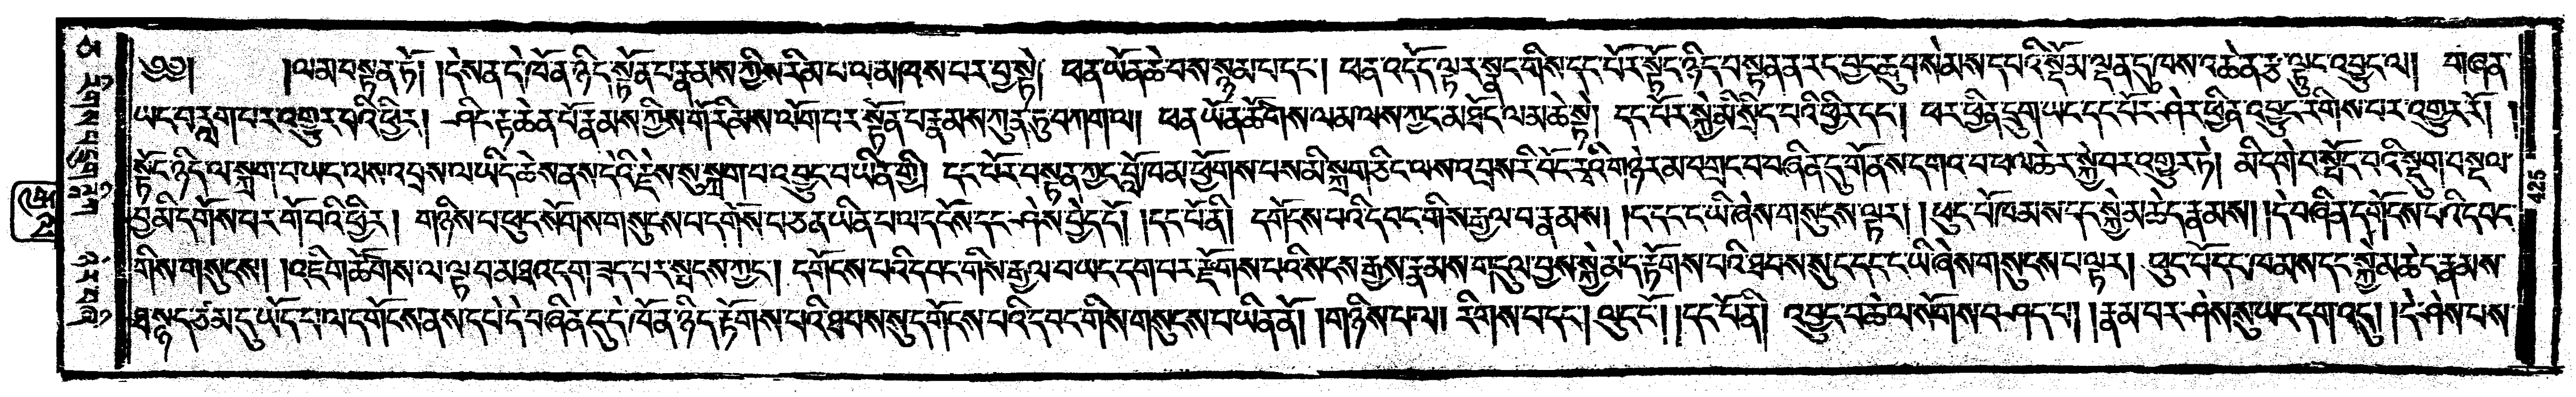༄༅། །ལམ་བསྟན་ཏོ། །དེས་ན་དེ་ཁོ་ན་ཉིད་སྟོན་པ་རྣམས་ཀྱིས་རིམ་པ་ལ་མཁས་པར་བྱ་སྟེ། ཕན་ཡོན་ཆེ་བས་སྙམ་པ་དང་། ཕན་འདོད་ལྟར་སྣང་གིས་དང་པོར་སྟོང་ཉིད་བསྟན་ན་རང་བྱང་ཆུབ་སེམས་དཔའི་སྡོམ་ལྡན་དུ་ཁས་འཆེན་?་རྩ་ལྟུང་འབྱུང་ལ། གཞན་
ཡང་བརླག་པར་འགྱུར་བའི་ཕྱིར། ཤིང་རྟ་ཆེན་པོ་རྣམས་ཀྱིས་གོ་རིམས་ལོག་པར་སྟོན་པ་རྣམས་ཀུན་ཏུ་བཀག་ལ། ཕན་ཡོན་ཚོགས་ལམ་ལས་ཀྱང་མཐོང་ལམ་ཆེ་སྟེ། དང་པོར་སྐྱེ་མི་སྲིད་པའི་ཕྱིར་དང་། ཕར་ཕྱིན་དྲུག་ཡང་དང་པོར་ཤེར་ཕྱིན་འབྱུང་རིགས་པར་འགྱུར་རོ། །
སྟོང་ཉིད་ལ་སྐྲག་པ་ཡང་ལས་འབྲས་ལ་ཡིད་ཆེས་ནས་དེའི་རྗེས་སུ་སྐྲག་པ་འབྱུང་བ་ཡིན་གྱི། དང་པོར་བསྟན་ཀྱང་བློ་ཁམ་ཕྱོགས་པས་མི་སྐྲག་ཅིང་ལས་འབྲས་རི་བོང་རྭའི་གཉེར་མ་བགྲང་བ་བཞིན་དུ་གོ་ནས་དགའ་བ་ཕལ་ཆེར་སྐྱེ་བར་འགྱུར་ཏེ། མི་དགེ་བ་སྤོང་བའི་སྡུག་བསྔལ་
བྱ་མི་དགོས་པར་གོ་བའི་ཕྱིར། གཉིས་པ་ཕུང་སོགས་གསུངས་པ་དགོས་པ་ཅན་ཡིན་པ་ལ་དངོས་དང་ཤེས་བྱེད་དོ། །དང་པོ་ནི། དགོངས་པའི་དབང་གིས་རྒྱལ་བ་རྣམས། །ང་དང་ང་ཡི་ཞེས་གསུངས་ལྟར། །ཕུང་པོ་ཁམས་དང་སྐྱེ་མཆེད་རྣམས། །དེ་བཞིན་དགོངས་པའི་དབང་
གིས་གསུངས། །འཇིག་ཚོགས་ལ་ལྟ་བ་མཐའ་དག་ཟད་པར་སྤངས་ཀྱང་། དགོངས་པའི་དབང་གིས་རྒྱལ་བ་ཡང་དག་པར་རྫོགས་པའི་སངས་རྒྱས་རྣམས་གདུལ་བྱས་སྐྱེ་མེད་རྟོགས་པའི་ཐབས་སུང་དང་ང་ཡི་ཞེས་གསུངས་པ་ལྟར། ཕུང་པོ་དང་ཁམས་དང་སྐྱེ་མཆེད་རྣམས་
ཐ་སྙད་ཙམ་དུ་ཡོད་པ་ལ་དགོངས་ནས་དཔེ་དེ་བཞིན་དུ་དེ་ཁོ་ན་ཉིད་རྟོགས་པའི་ཐབས་སུ་དགོངས་པའི་དབང་གིས་གསུངས་པ་ཡིན་ནོ། །གཉིས་པ་ལ། རིགས་པ་དང་། ལུང་ངོ། །དང་པོ་ནི། འབྱུང་བ་ཆེ་ལ་སོགས་བཤད་པ། །རྣམ་པར་ཤེས་སུ་ཡང་དག་འདུ། །དེ་ཤེས་པས་